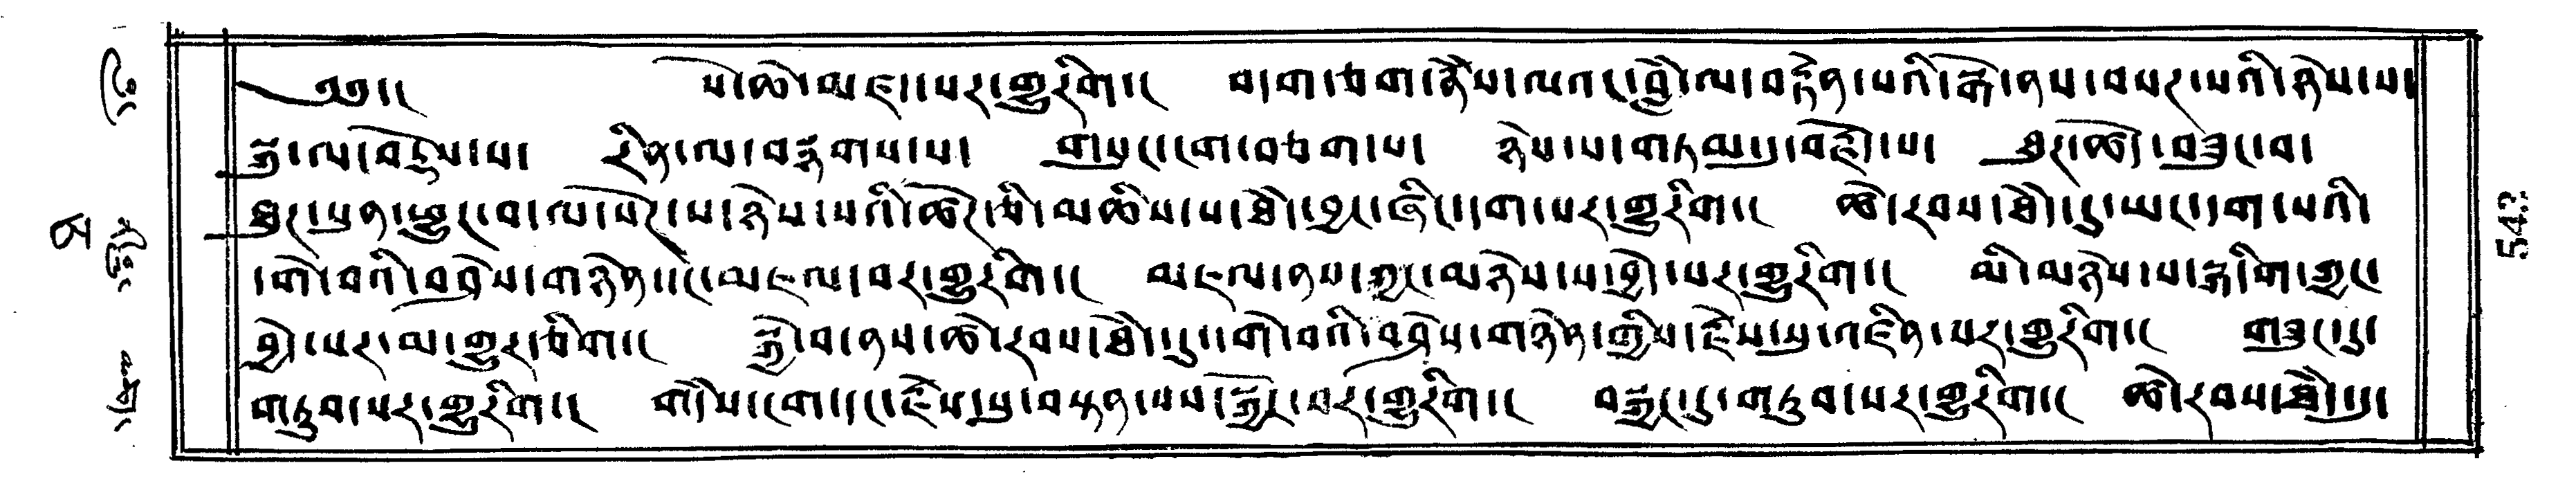པོ་ཆེ་མཛད་པར་གྱུར་ཅིག བདག་ཅག་རྣམས་ལའང་བླ་མ་བསྟེན་པའི་སྒོ་ནས་བསགས་པའི་ཉེས་པ་
སྐུ་ལ་བརྡོས་པ། རིན་ལ་བསྙགས་པ། གསུང་ངག་བཅག་པ། ཉེས་པ་གཏམ་དུ་བརྗོད་པ། ཐུགས་ཚོད་བཟུང་བ། 
ཐུགས་སུན་ཕྱུང་བ་ལ་སོགས་པ་ཉེས་པའི་ཚོགས་ཅི་མཆིས་པ་ཐམས་ཅད་བྱང་ཞིང་དག་པར་གྱུར་ཅིག ཚེ་རབས་ཐམས་ཅད་དུ་ཡང་དག་པའི་
དགེ་བའི་བཤེས་གཉེན་དང་མཇལ་བར་གྱུར་ཅིག མཇལ་ནས་ཀྱང་མཉེས་པ་བྱེད་པར་གྱུར་ཅིག མི་མཉེས་པ་སྐད་ཅིག་ཀྱང་
བྱེད་པར་མ་གྱུར་ཅིག སྐྱེ་བ་ནས་ཚེ་རབས་ཐམས་ཅད་དུ་དགེ་བའི་བཤེས་གཉེན་གྱིས་རྗེས་སུ་འཛིན་པར་གྱུར་ཅིག གཟུང་དུ་
གཏུབ་པར་གྱུར་ཅིག གདམས་ངག་དང་རྗེས་སུ་བསྟན་པས་སྐྱོང་བར་གྱུར་ཅིག བསྐྱང་དུ་གཏུབ་པར་གྱུར་ཅིག ཚེ་རབས་ཐམས་ཅད་དུ་